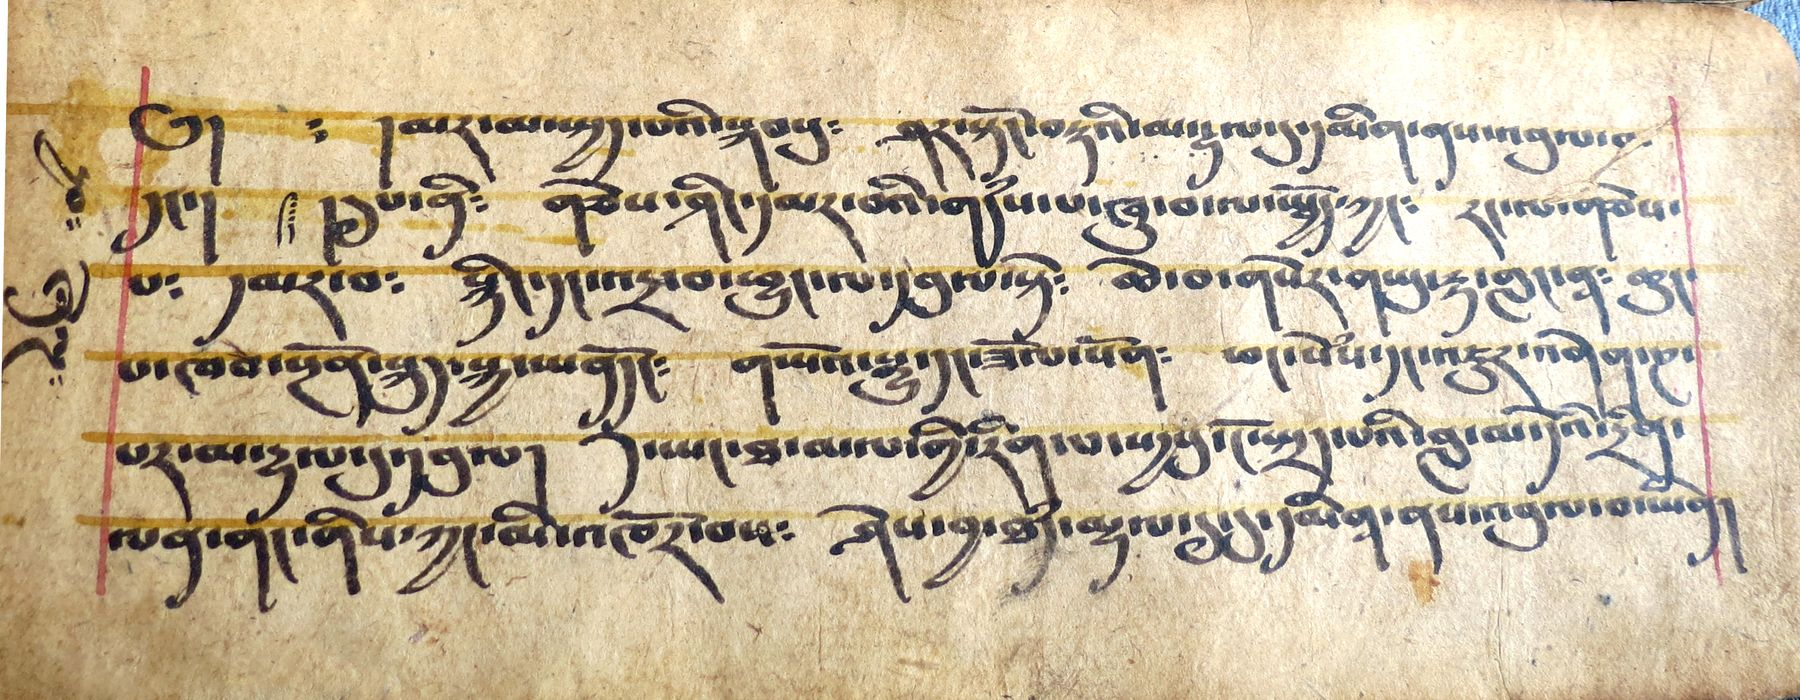མར་མ་སྤྱད་པའི་སྐབས་སུ། ཤར་སྟོང་བརྡའི་མ་འདལ་དུ་དམིགས་ནས་འབུལ་བ་
དང་། དྲུག་པ་ནི་གཅེས་ཤིང་དམར་བའི་གདམས་པ་ཞུ་བ་ལ། ཡོ་བྱད་ཀྱང་རང་ལ་གཅེས་
པ་དམར་བ། སྙིང་དང་འདྲ་བ་ཕྱུང་ལ་དབུལ་ཏེ། ཆེ་བ་གསེར་གཡུ་རྟ་གླང་ནས། ཆུང་
བ་ཁབ་སྔོན་སྐུད་པ་ཡན་ཆོད་གཡོ་སྒྱུ་དང་ཟོལ་ཟོག་ཕོངས་སེམས་དང་འཇུང་གེགས་མེད་
པར་མ་འདལ་དུ་འབུལ། དེ་ཡང་ཐ་མལ་གྱི་རིག་པ་སངས་རྒྱས་སུ་ངོ་སྤྲོད་པའི་བླ་མ་དེའི་དྲིན་
ལན་གང་གིས་ཀྱང་མི་ཁེར་བས་ཤེས་བྱ་ཐམས་ཅད་མ་འདལ་དྲུག་ཏུ་དམིགས་ནས་འབུལ་བ་ཡིན།